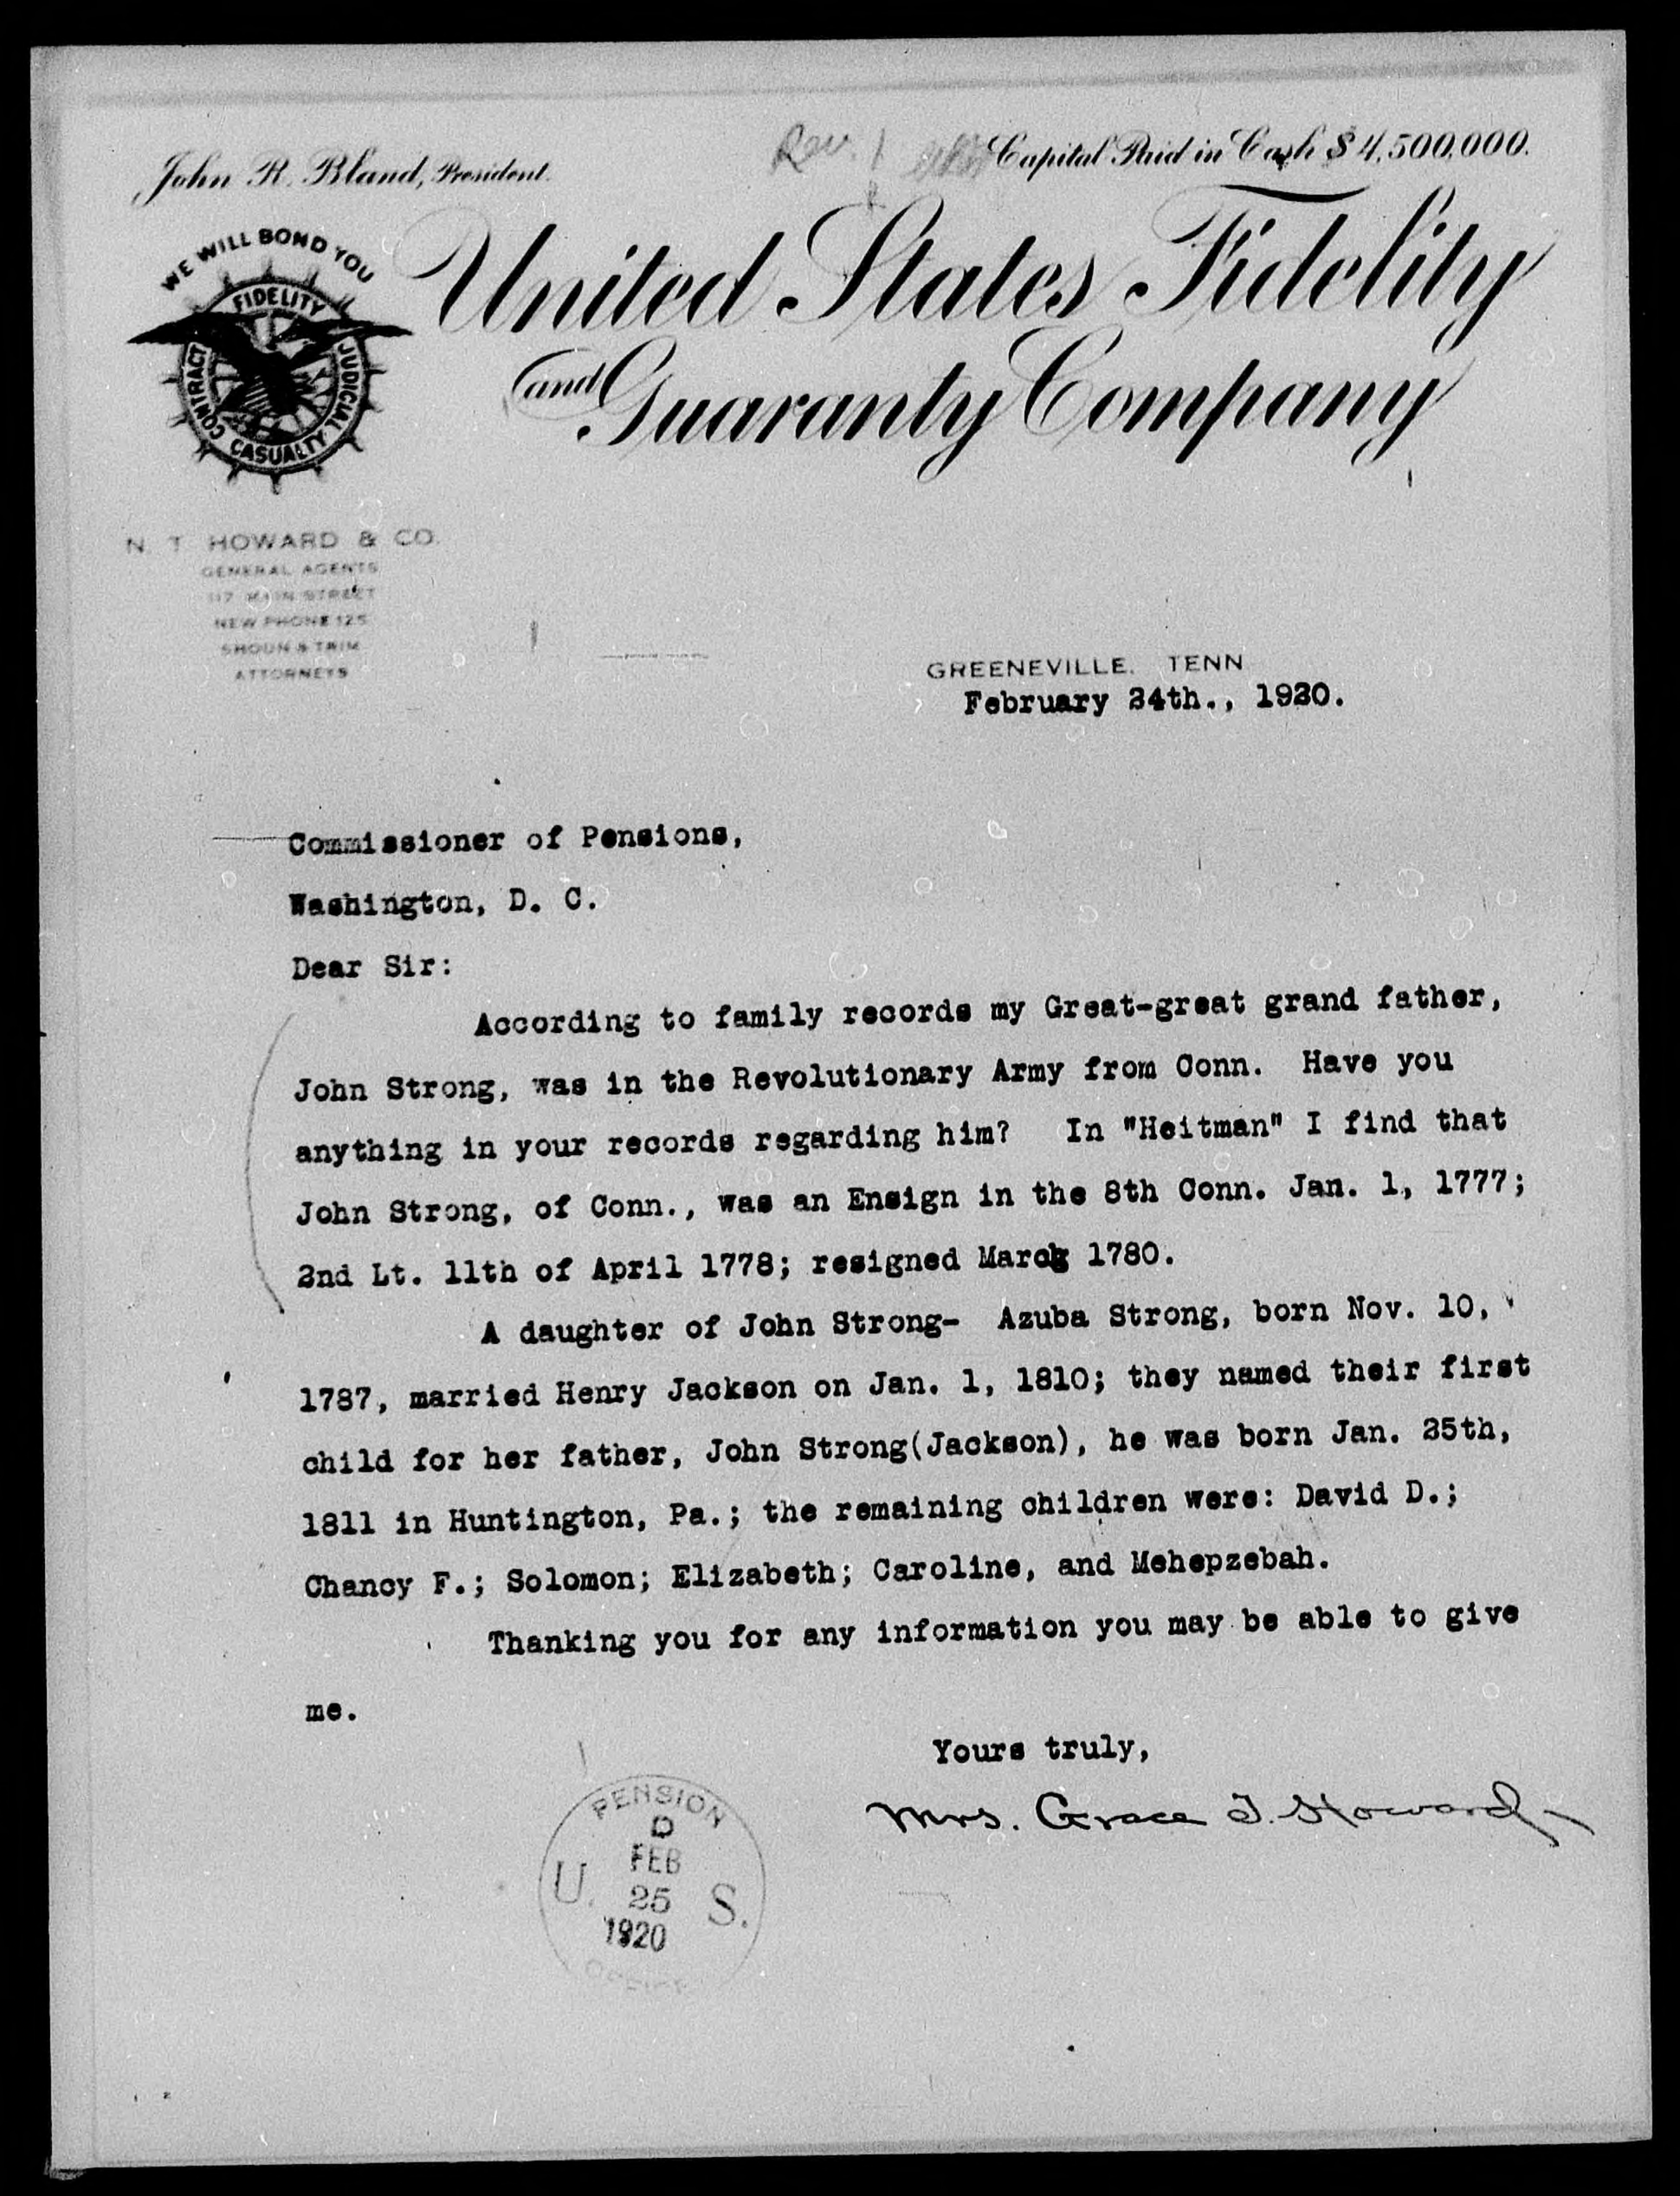[letterhead text]
John R. Bland, President
Capital paid in Cash $4,500,000

United States Fidelity and Guaranty Company
N. T. HOWARD & CO.
GENERAL AGENTS
117 Main Street
New Phone 125
Shoun & Trim
Attorneys
[End letterhead text]

GREENEVILLE, TENN
February 24th, 1920

Commissioner of Pensions,
Washington, D. C.
Dear Sir:

According to family records my Great-great grand father, John Strong, was in the Revolutionary Army from Conn. Have you anything in your records regarding him? In "Heitman" I find that John Strong, of Conn., was an Ensign in the 8th Conn. Jan. 1, 1777; 2nd Lt. 11th of April 1778; resigned March 1780.

A daughter of John Strong - Azuba Strong, born Nov. 10, 1787, married Henry Jackson on Jan. 1, 1810; they named their first child for her father, John Strong (Jackson), he was born Jan. 25th,
1811 in Huntington, Pa.; the remaining children were: David D.; Chancy F.; Solomon; Elizabeth; Caroline, and Mehepzebah.

Thanking you for any information you may be able to give me.

Yours truly, 
[handwritten] Mrs. Grace J. Howard

[stamp: Pension D U.S. Feb 25 1920 Official]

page: 26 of 33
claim: widow's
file: W. 4592, for John Strong, New York